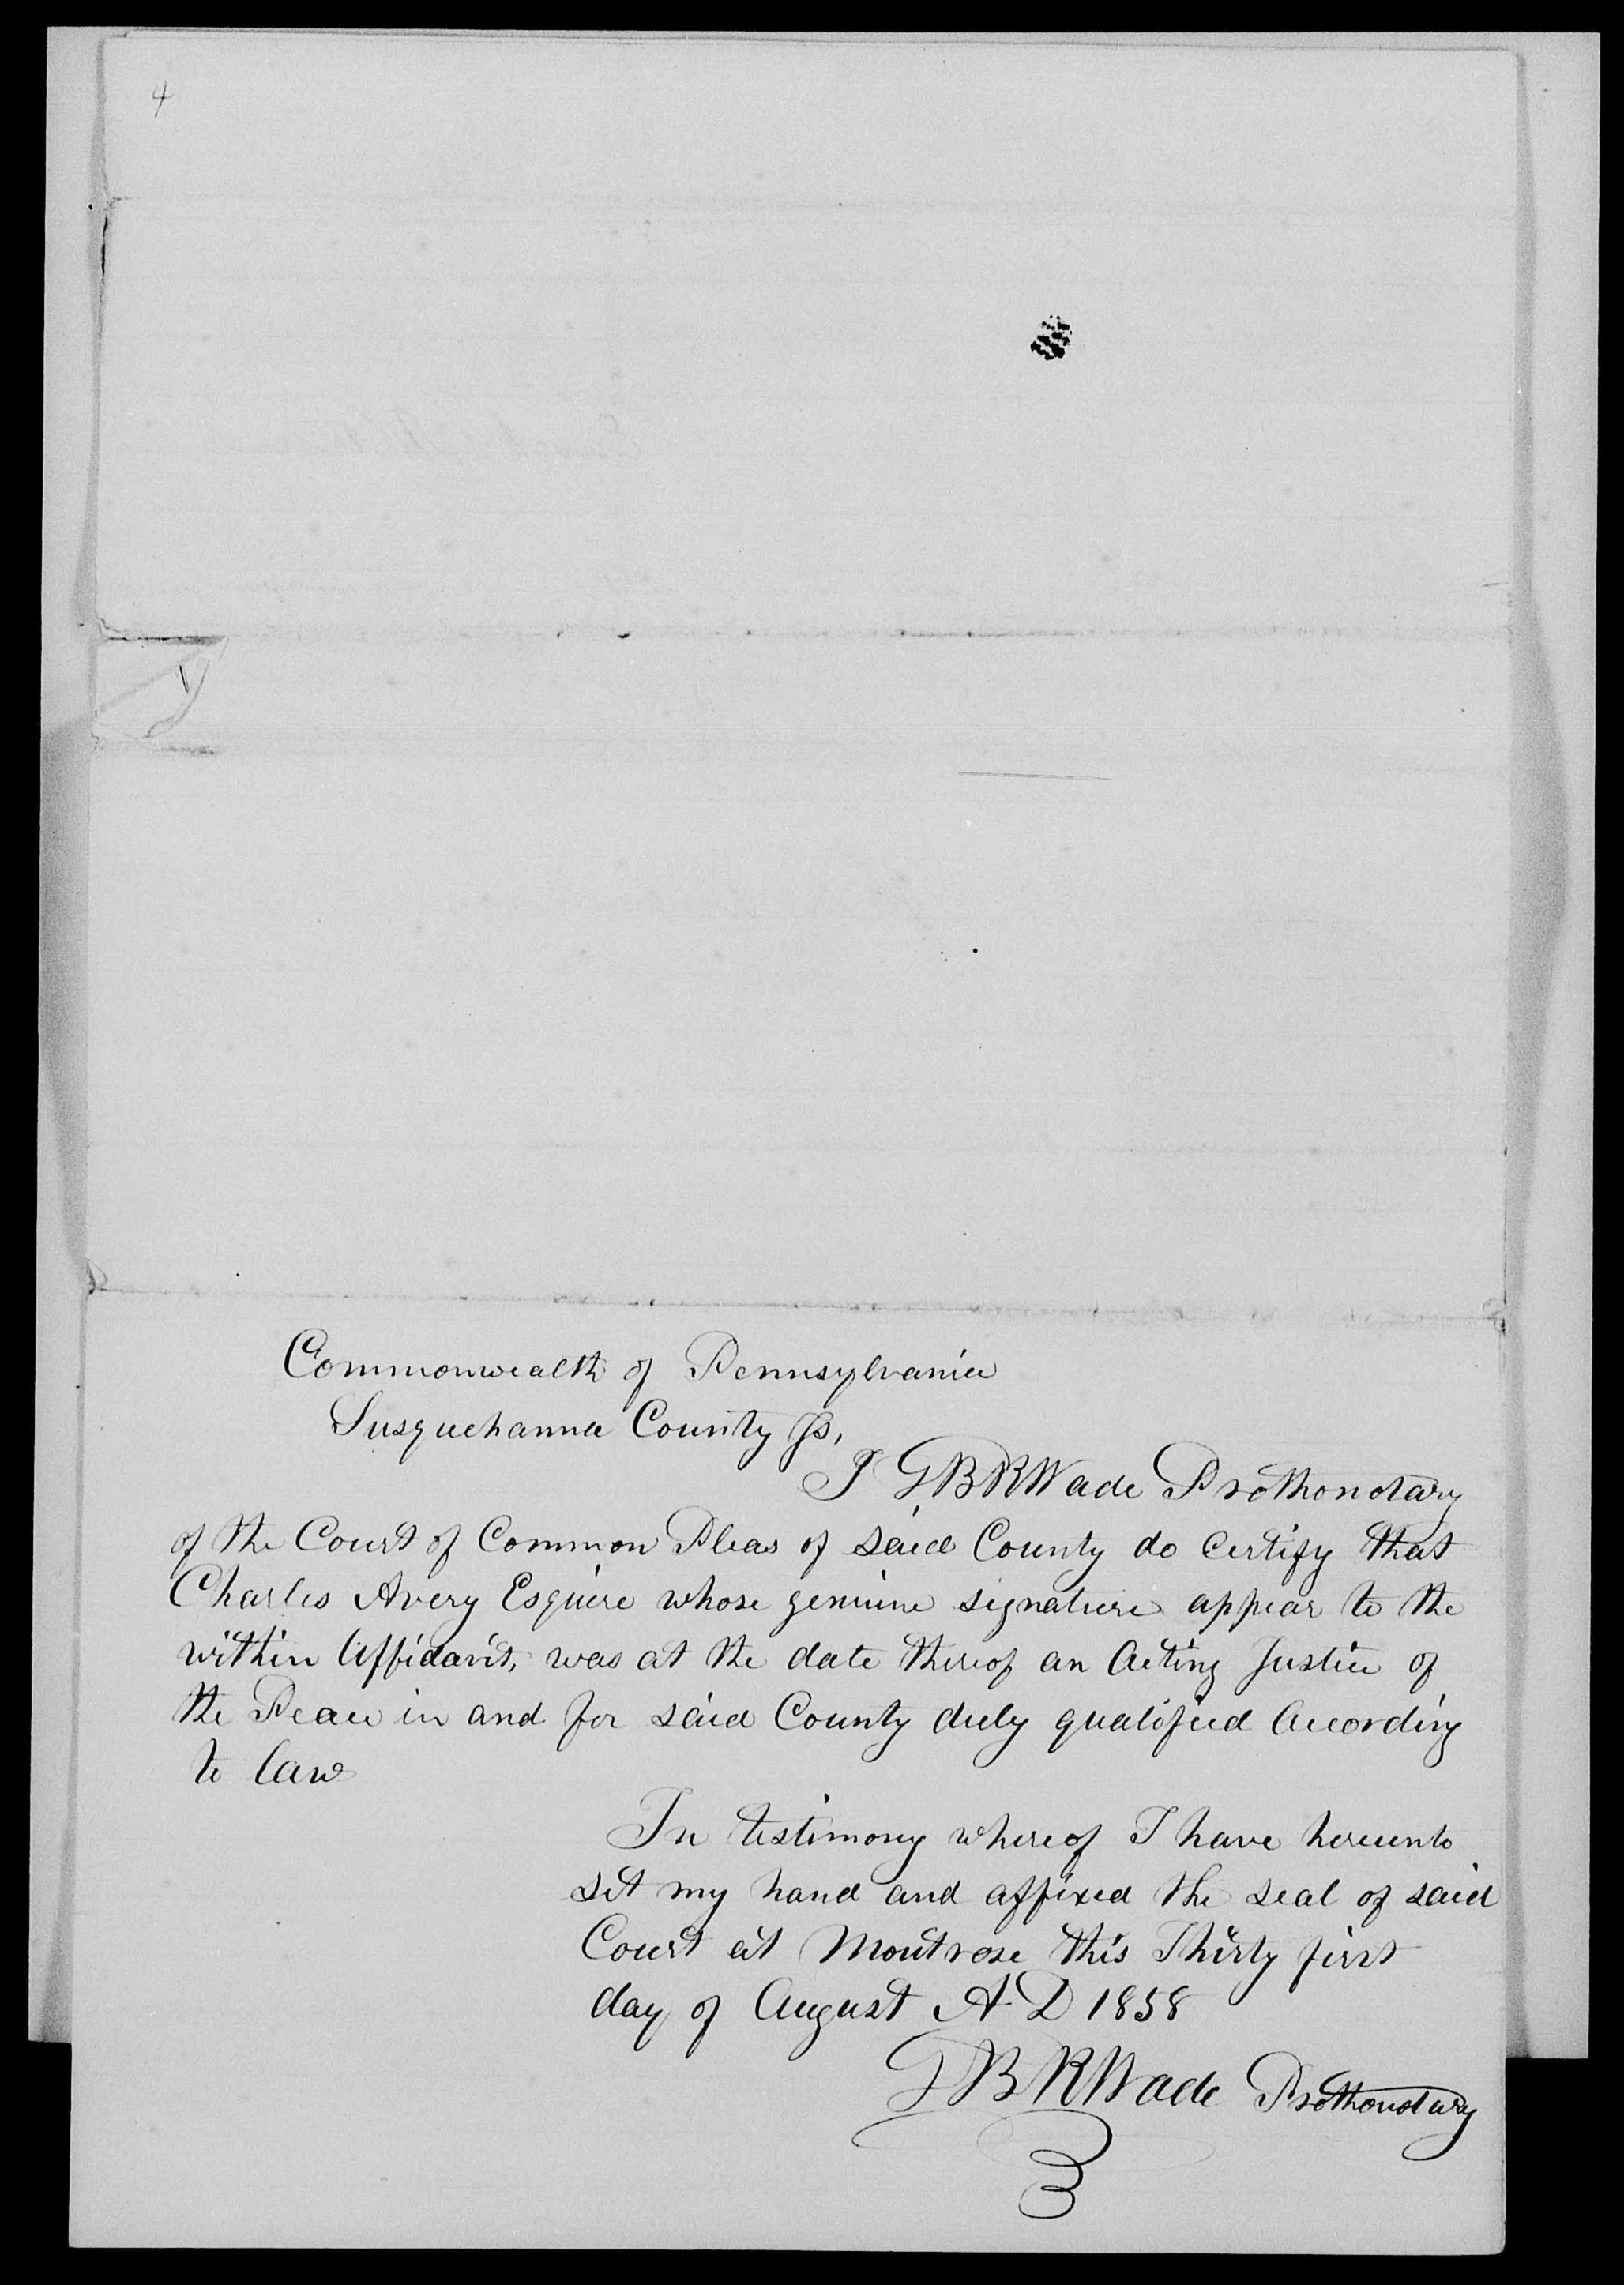Commonwealth of Pennsylvania Susquehanna County ss J G B R Wade Prothonotary of the Court of Common Pleas of said County do certify that Charles Avery Esquire whose genuine signature appear to the within affidavit, was at the date thereof an acting Justice of the Peace in and for said County duly qualified according to law 
In testimony whereof I have hereunto set my hand and affixed the seal of said Court at Montrose this Thirty first day of August A D 1858 F B R Wade Prothonotary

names: Charles Avery; G B R Wade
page: 19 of 70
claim: rejected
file: R. 6510, for Israel Luce, New York